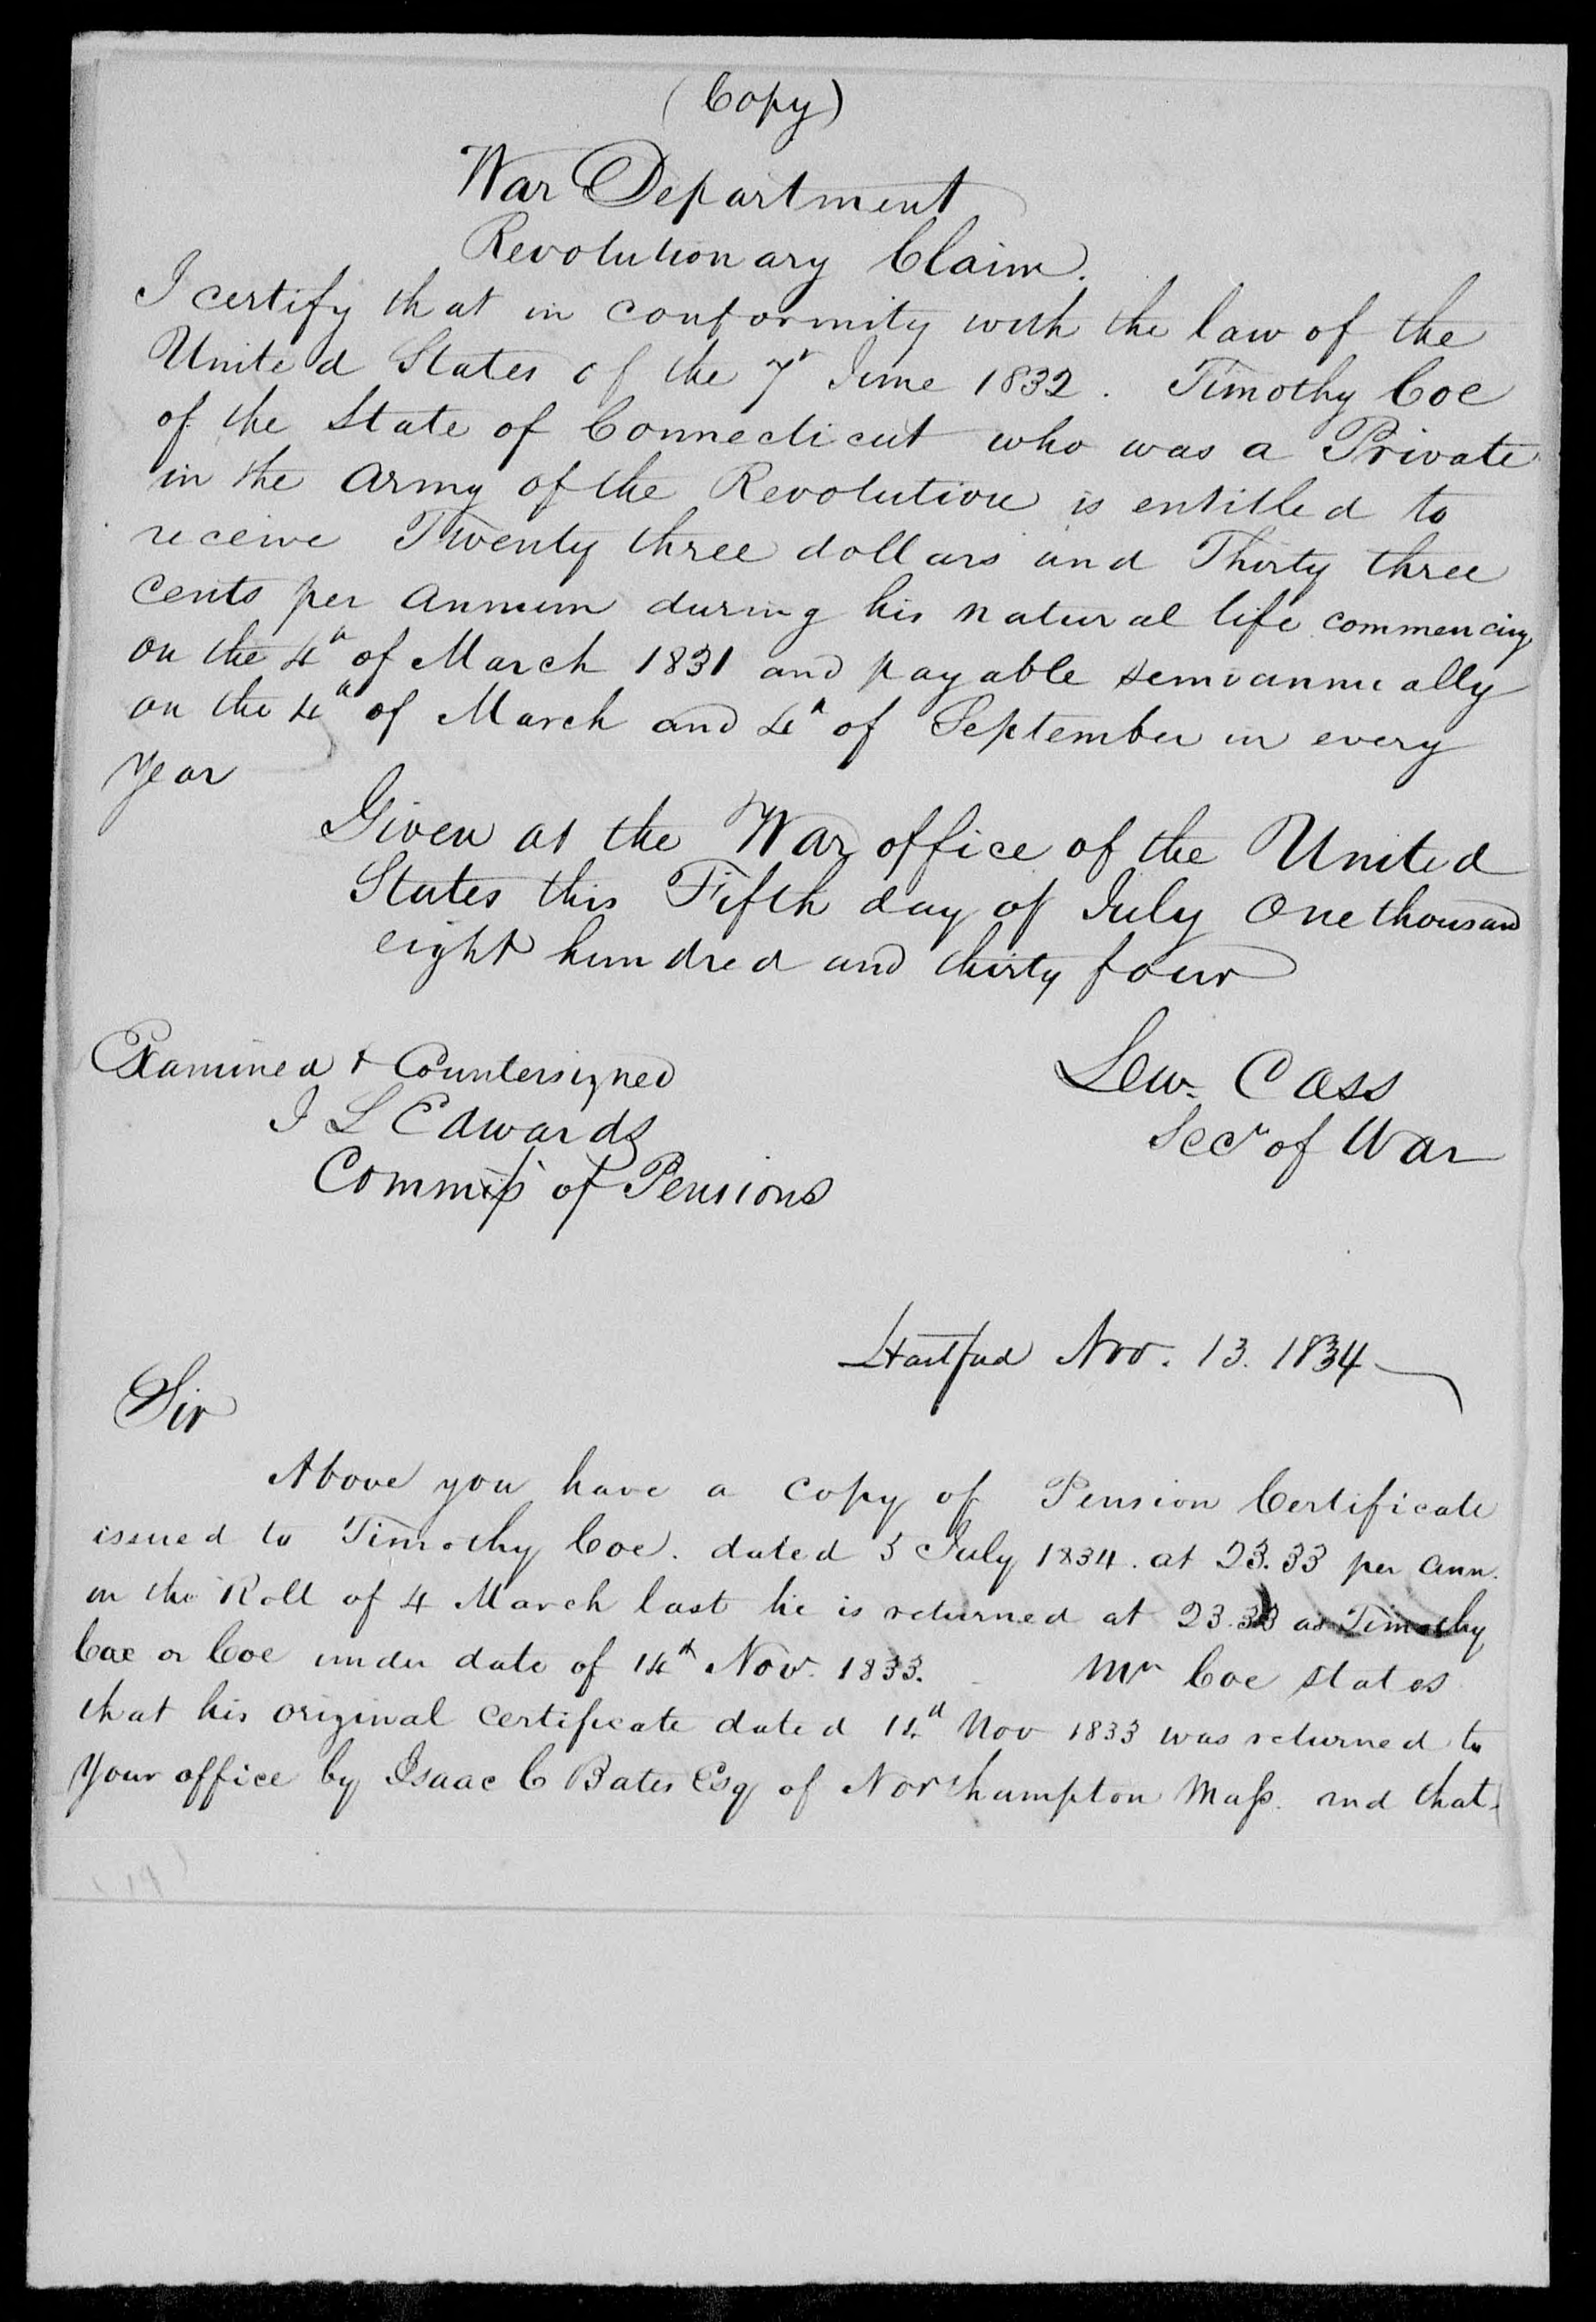copy
War Department
Revolutionary Claim
I certify that in conformity with the law of the United States of the 7th June 1832.  Timothy Coe of the State of Connecticut who was a Private in the Army of the Revolution is entitled to receive Twenty three dollars and thirty three cents per annum during his natural life commencing on the on the 4th of March 1831 and payable semi annually on the 4th of March and 4th of September in every year.
Given as the War office of the United states this fifth day of July one thousand eight hundred and thirty four.
Lew Cass
Sec of War
Examined and Countersigned
J L Edwards
Commis of Pensions
Hartford Nov. 13. 1834
Sir
Above you have a copy of Pension Certificate issued to Timothy Coe. dated 3 July 1834 at 23.33 per ann. on the roll of 4 March last he is returned at 23.33 as Timothy Cae or Coe under date of 14th Nov. 1833.  that his original certificate dated 14th Nov was returned to your office by Isaac C Bates Esq of Northhampton Mass and that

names: Coe, Isaac C Bates, Timothy Coe, Timothy Cae, Timothy Coe, J L Edwards, Timothy Coe, Lew Cass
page: 31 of 76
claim: widow's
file: W. 5,250, Timothy Coe, Conn.